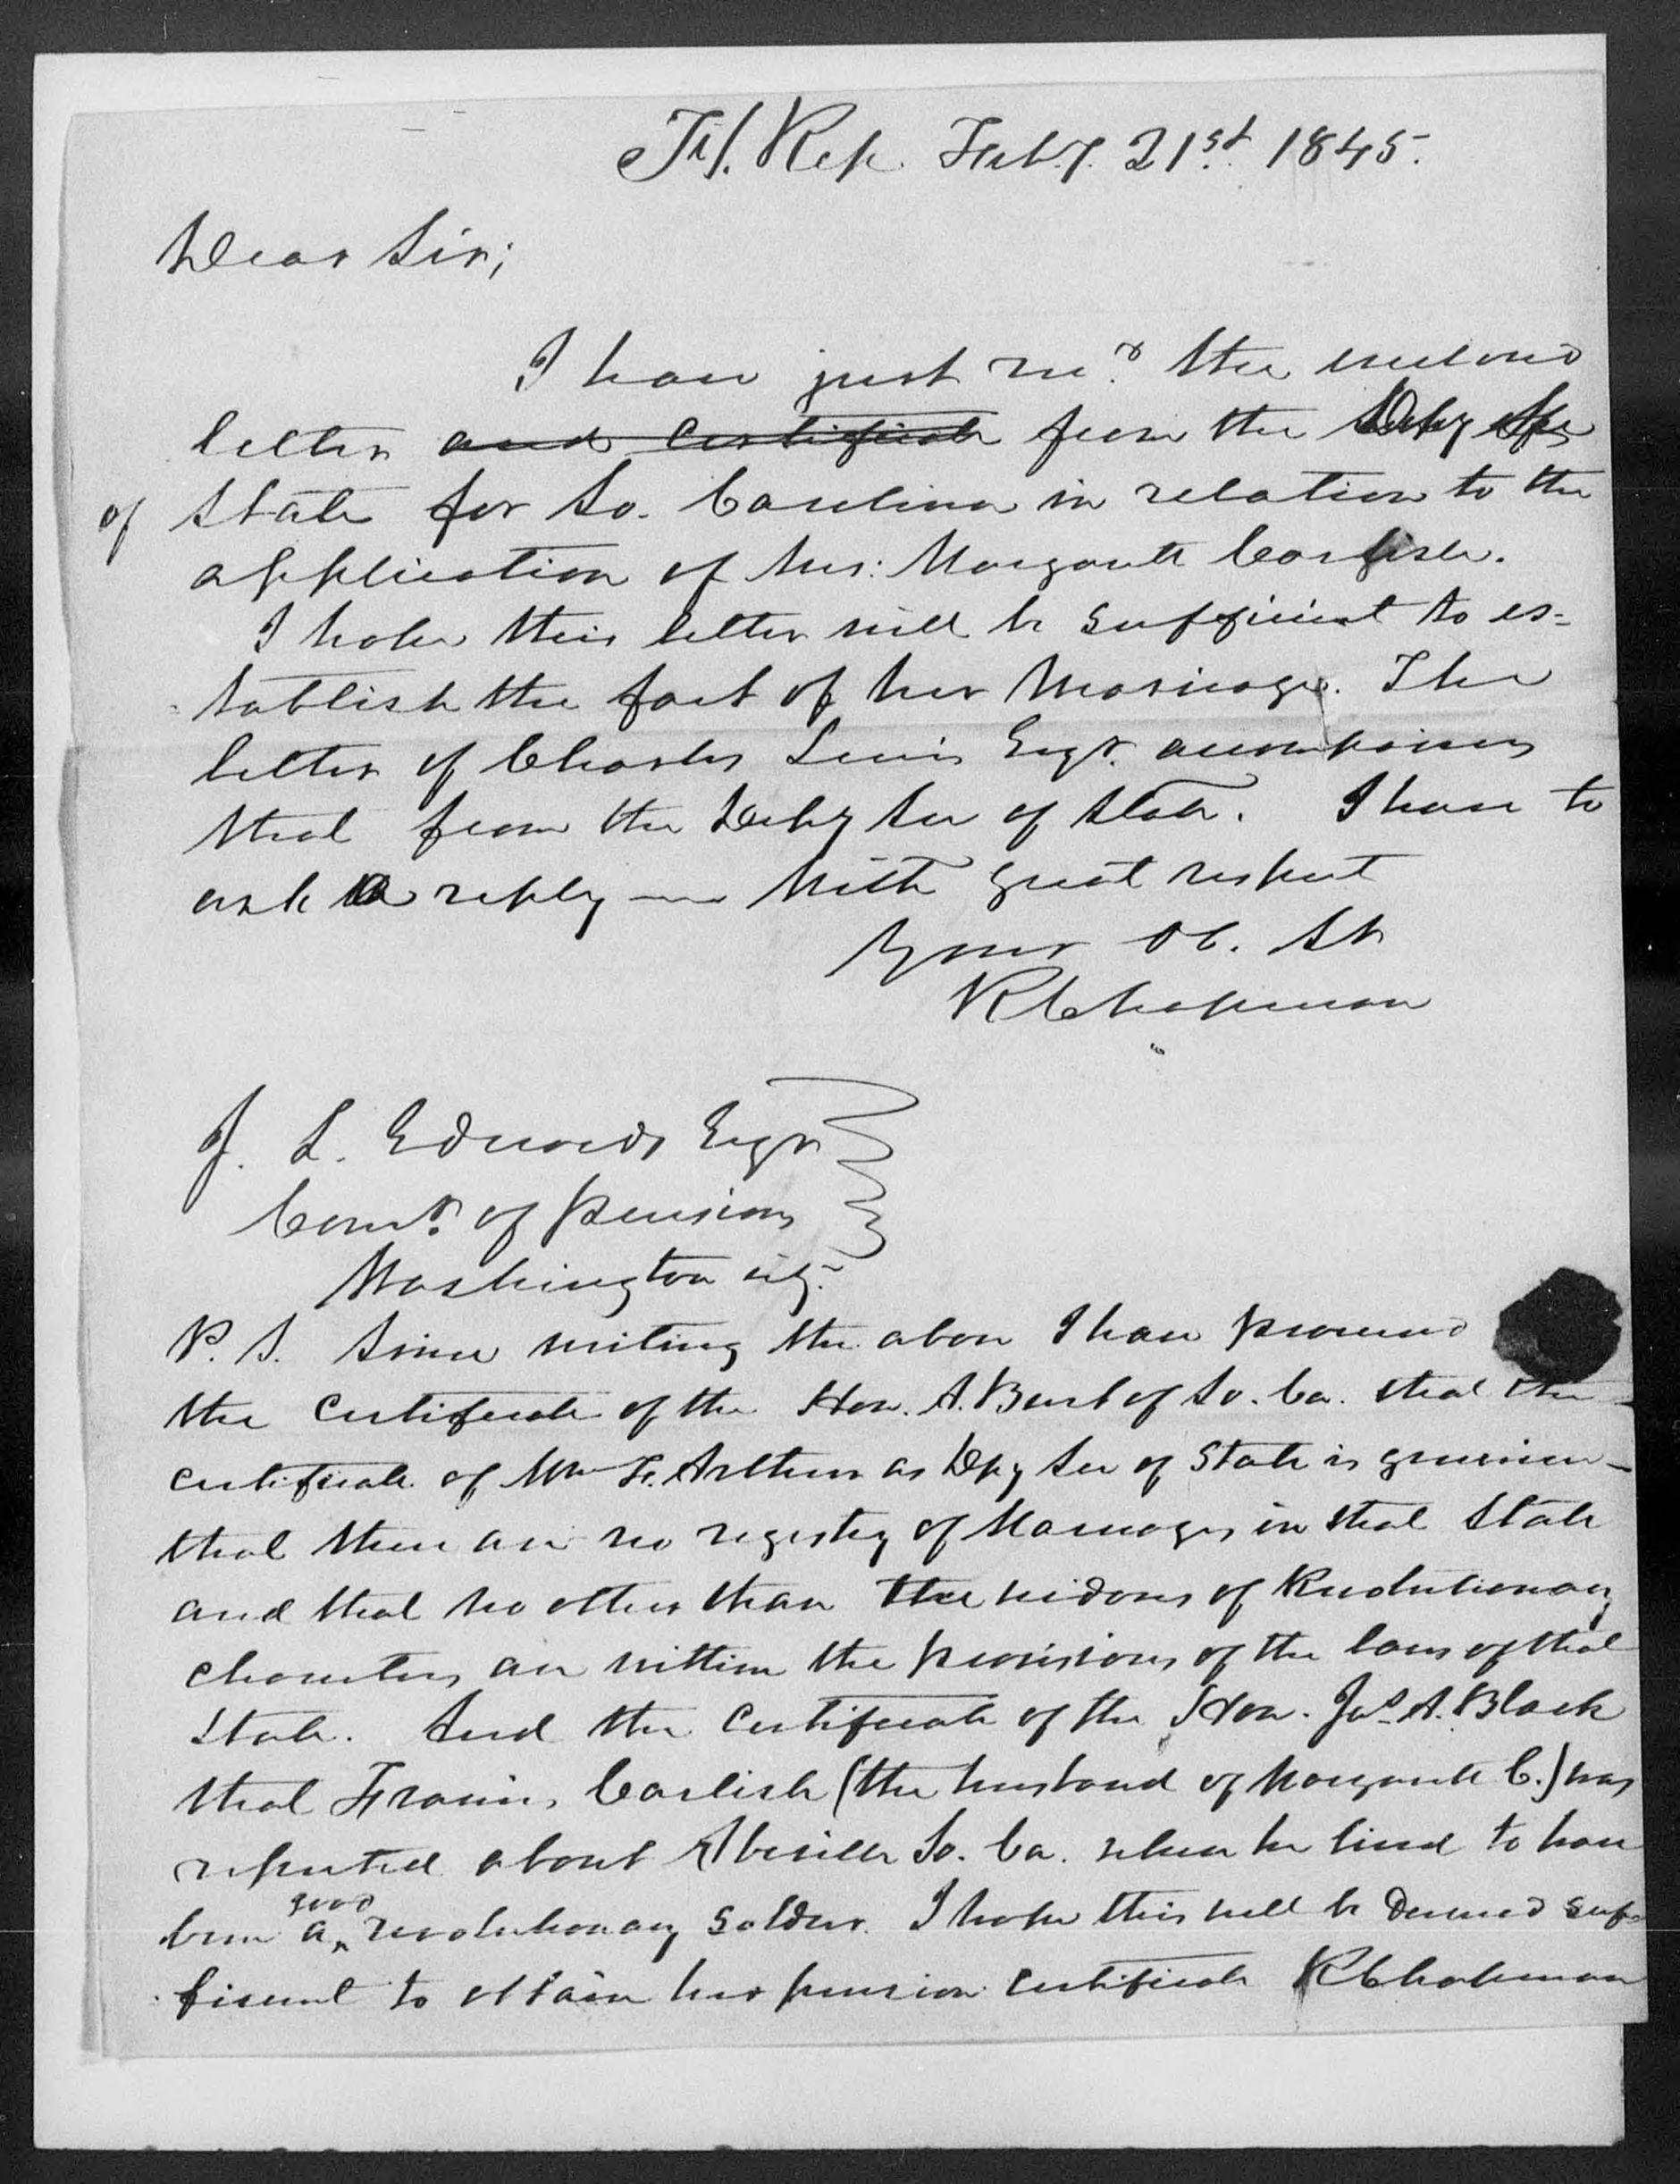H. Rep. Febry. 21st 1845
Dear Sir;
I have just recd. the enclosed letter and certificate [crossed out] from the Depy. Sec. of State for So. Carolina in relation to the application of Mrs. Margarette Carlisle.
I hope this letter will be sufficient to establish the fact of her marriage. The letter of Charles Lewis Esqr. accompanies that from the Depy Sec of State. I have to ask a reply -- with great respect
Your Ob. St
R Chapman

J. L. Edwards Esqr
Court of Pensions
Washington city.
P.S. Since writing the above I have processed the certificate of the Hon. A. Burt of So. Ca. that the certificate of Wm. F. Arthur as Dpy Sec of State is genuine - that there are no registry of Marriages in that State and that no other than the widows of Revolutionary characters are within the provisions of the laws of that State. And the Certificate of the Hon. Jas. A. Black that Francis Carlisle (the husband of Margarett C.) was reported about Abeville So. Ca. where he lived to have been a good revolutionary soldier. I hope this will be deemed sufficient to obtain his pension certificate
R Chapman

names: Charles Lewis, Margarett Carlisle, Francis Carlisle, Wm F Arthur, R Chapman, J L Edwards, A Burt, Jas A Black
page: 76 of 91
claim: widow's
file: W. 10576, Francis Carlisle, S.C.